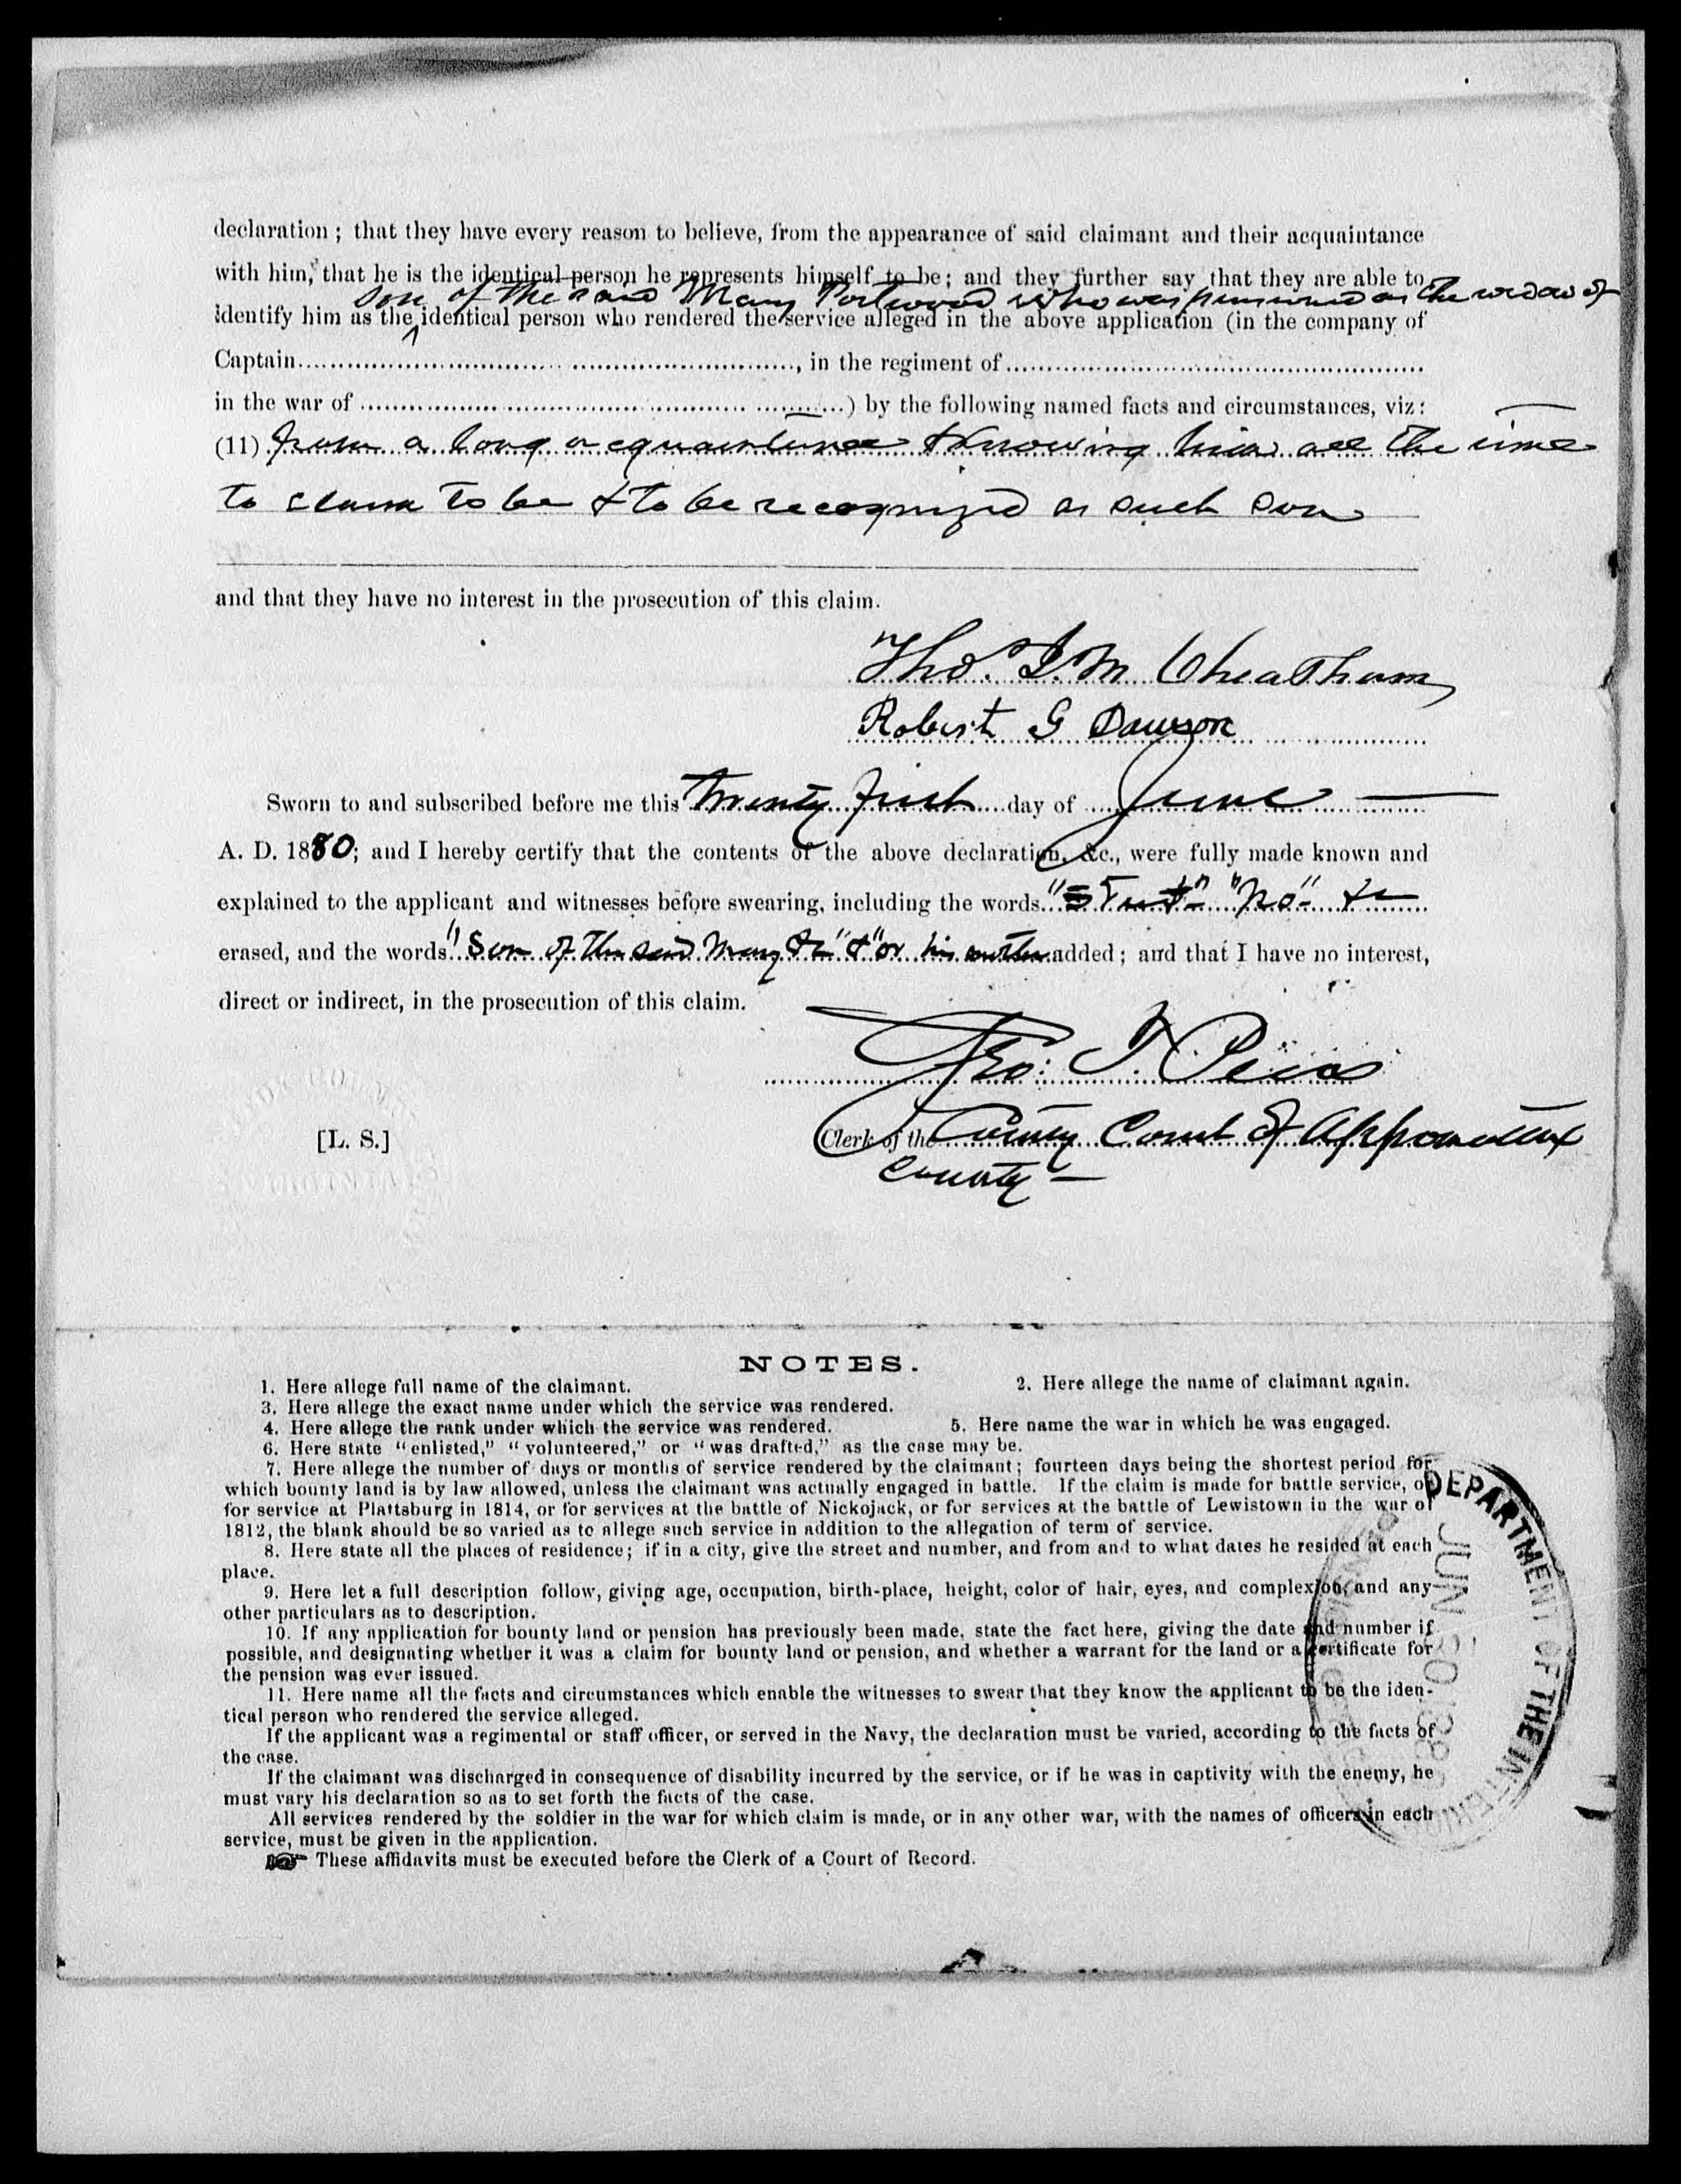declaration; that they have every reason to believe, from the appearance of said claimant and their acquaintance
with him, that he is the identical person he represents himself to be; and they further say that they are able to
identify him as the [insert starts] son of the said Mary Portwood who was presented [?] as the widow of [insert ends] identical person who rendered the service alleged in the above application (in the company of
Captain [blank], in the regiment of [blank]
in the war of [blank] ) by the following named facts and circumstances, viz:
(11) from a long acquaintance & knowing him all the time
to claim to be & to be recognized as such son
and that they have no interest in the prosecution of this claim.
| Thos J.M Cheatham
| Robert G Dawson
Sworn to and subscribed before me this twenty first day of June --
A. D. 1880; and I hereby certify that the contents of the above declaration, were fully made known and
explained to the applicant and witnesses before swearing, including the words " [strikeout] F[??]t" "No" &c
erased, and the words " son of the said Mary &c" & "or his mother added; and that I have no interest,
direct or indirect, in the prosecution of this claim.
| Geo: T. Peers
[L. S.] | Clerk of the County Court of Appomattox
| County --
| NOTES.
1. Here allege full name of the claimant. | 2. Here allege the name of claimant again.
3. Here allege the exact name under which the service was rendered.
4. Here allege the rank under which the service was rendered. | 5. Here name the war in which he was engaged.
6. Here state "enlisted," "volunteered," or "was drafted," as the case may be.
7. Here allege the number of days or months of service rendered by the claimant: fourteen days being the shortest period for
which bounty land is by law allowed, unless the claimant was actually engaged in battle. If the claim is made for battle service, or
for service at Plattsburg in 1814, or for services at the battle of Nickojack, or for services at the battle of Lewistown in the war of
1812, the blank should be so varied as to allege such service in addition to the allegation of term of service.
8. Here state all the place of residence; if in a city, give the street and number, and from and to what dates he resided at each
place.
9. Here let a full description follow, giving age, occupation, birth-place, height, color of hair, eyes, and complexion and any
other particulars as to description.
10. If any application for bounty land or pension has previously been made, state the fact here, giving the date and number if
possible, and designating whether it was a claim for bounty land or pension, and whether a warrant for the land or a certificate for
the pension was ever issued.
11. Here name all the facts and circumstances which enable the witnesses to swear that they know the applicant to be the identical
person who rendered the service alleged.
If the applicant was a regimental or staff officer, or served in the Navy, the declaration must be varied, according to the facts of
the case.
If the claimant was discharged in consequence of disability incurred by the service, or if he was in captivity with the enemy, he
must vary his declaration so as to set forth the facts of the case.
All services rendered by the soldier in the war for which claim is made, or in any other war, with the names of officers in each
service, must be given in the application.
These affidavits must be executed before the Clerk of a Court of Record.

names: Robert G Dawson; Mary Portwood; Thos J M Cheatham; Geo T Peers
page: 14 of 50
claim: widow's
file: W. 1929, for Lloyd Portwood, Virginia